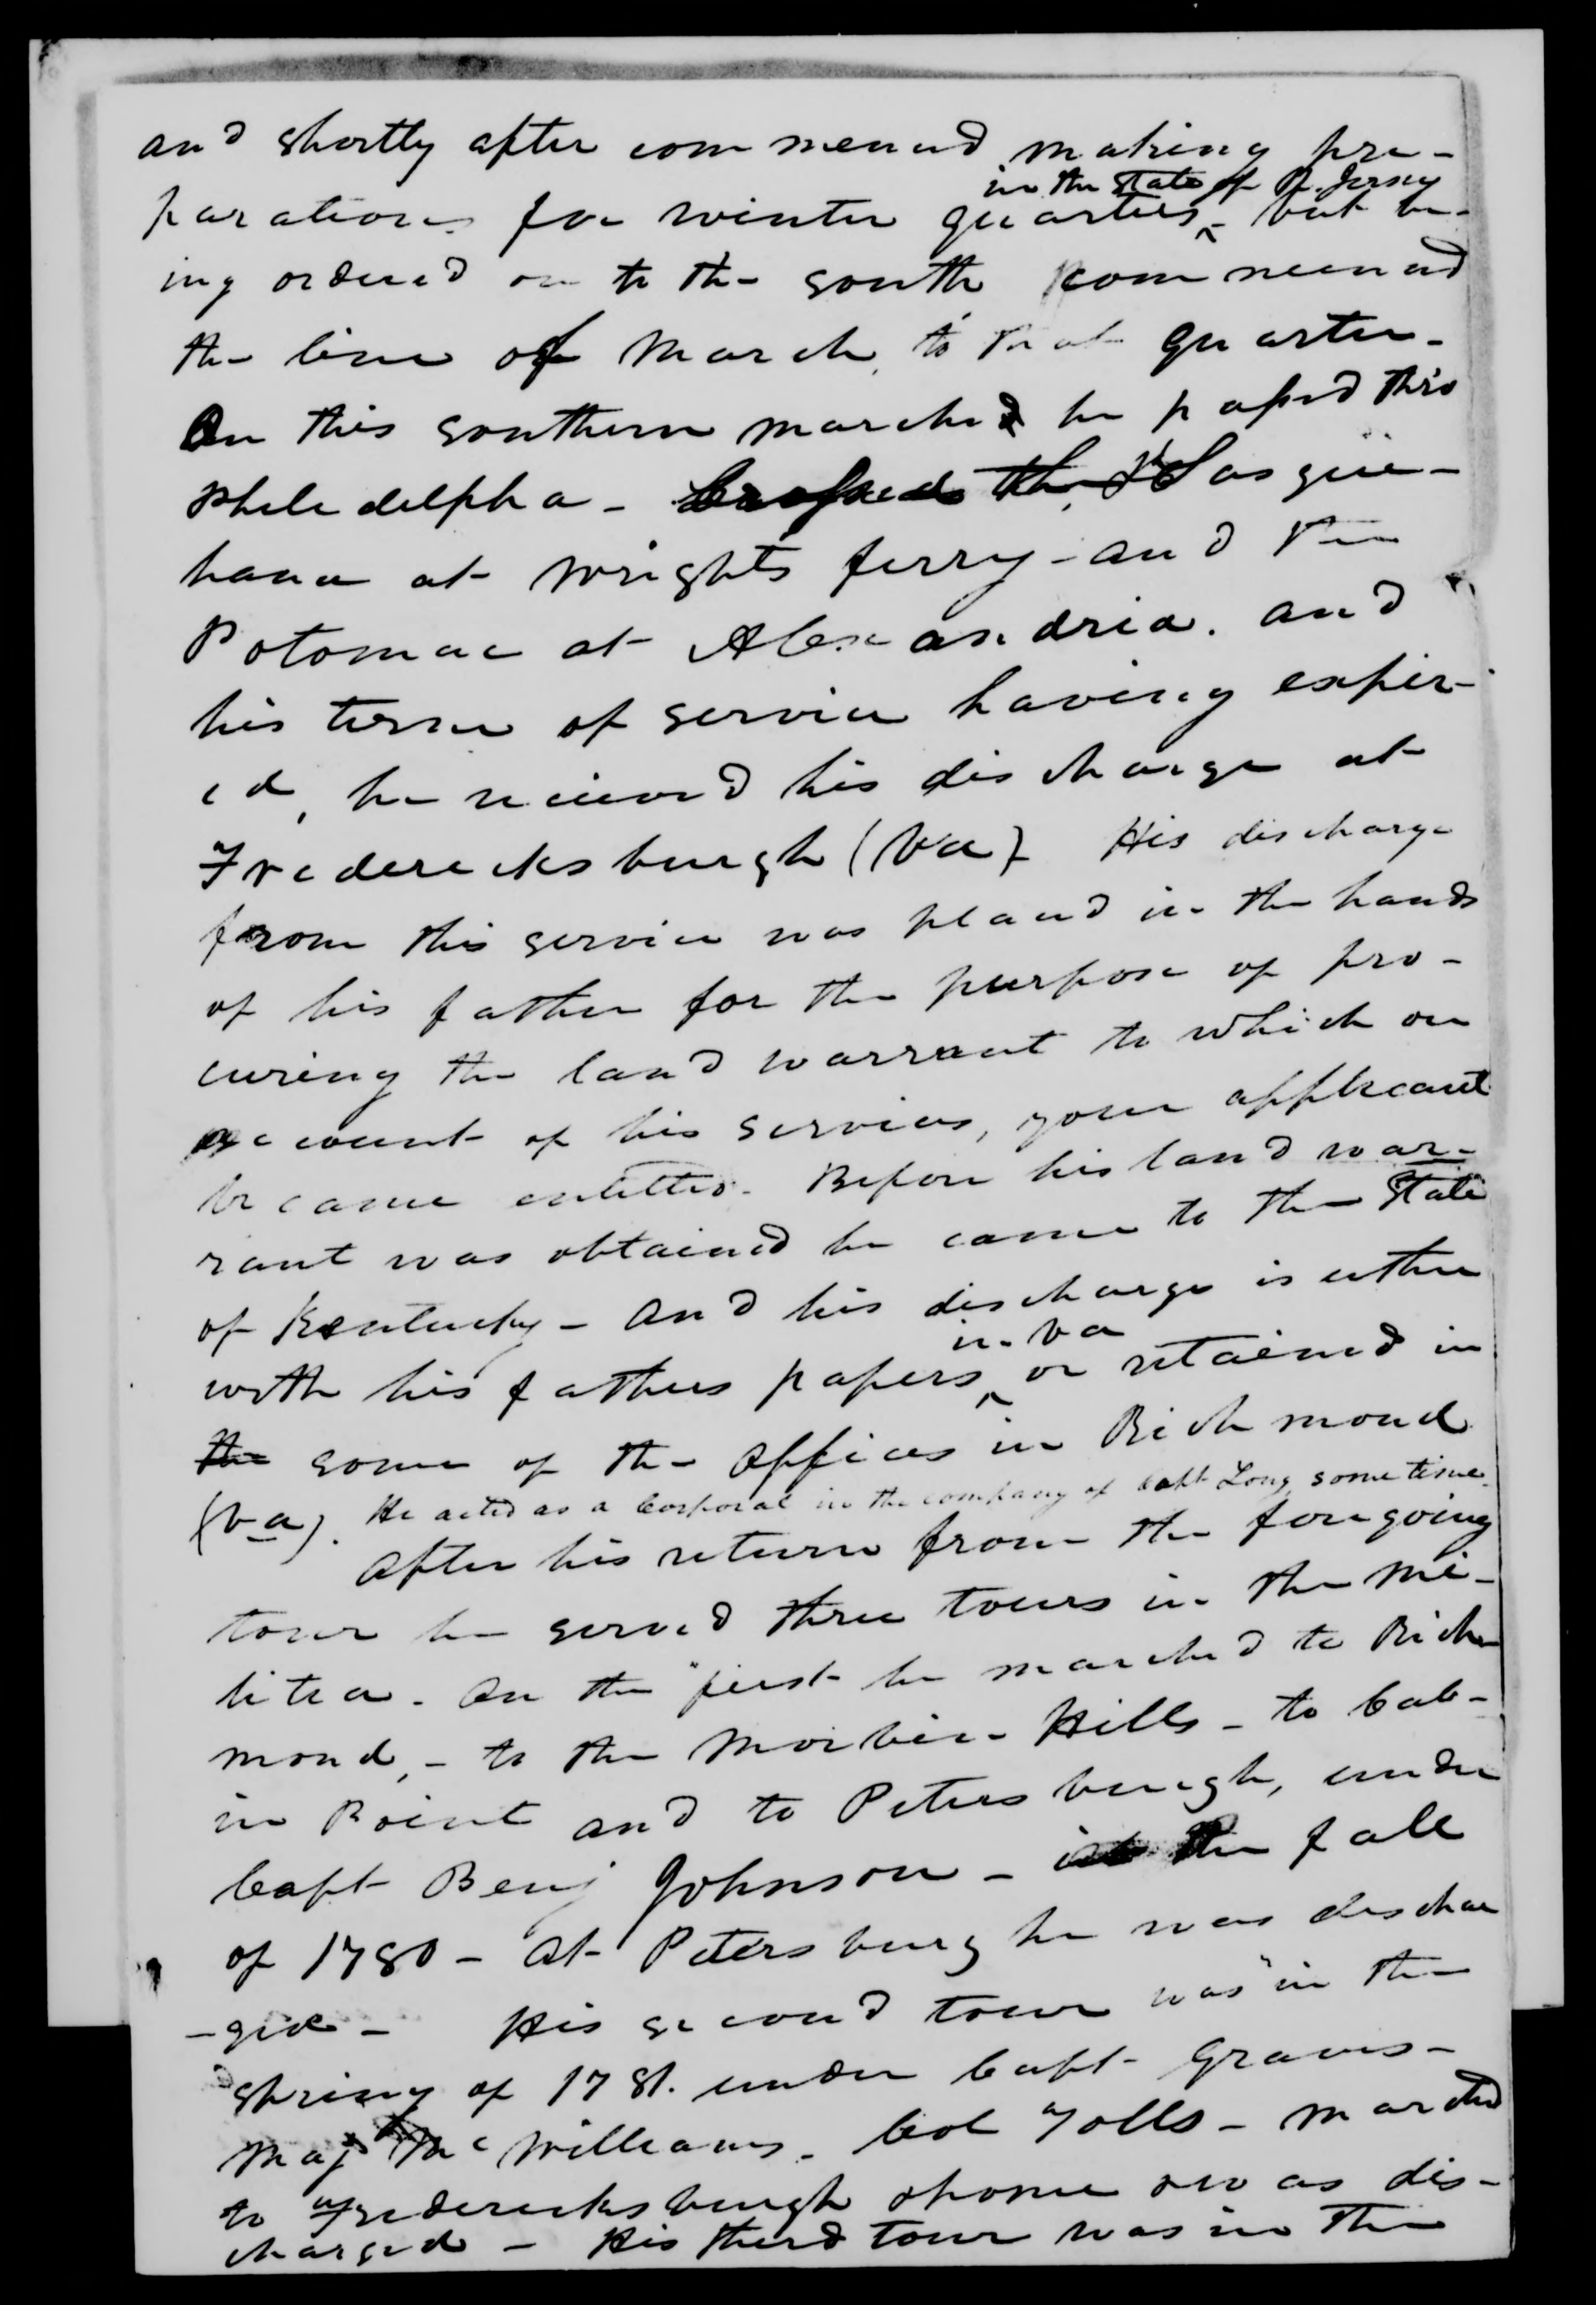and shortly after commenced making preparations for winter quarters in the state of of Jer-y but [illegible]ing ordered on to the south comncedad the line of March to that quarter- On this southern marched [d crossed out] he passed thro Philidelpha - [words crossed out] as give han- at Wrights ferry - and [illegible] Potomac at Alexandria. and his term of service having expired, he recieved his discharge at Fredericksburgh (Va) - His discharge from this service was placed in the hands of his father for the purpose of procuring the land warrant to which on account of his services, your applicant became entitled. Before his land warrant was obtained he came to the State of Kentucky - and his discharge is either with his fathers papers in Va or retained in the [crossed out] some of the offices in Richmond (Va). He acted as a Corporal in the company of Capt Long, sometime

After his return from the foregoing tour he served three tours in the militia. On the first he marched to Richmond - to the Morbir Hills - to Cabin Point and to Petersburgh, under Capt Benj Johnson - [illegible] the fall of 1780 - At Petersburg he was discharged - His second tour was in the spring of 1781 under Capt Graves -  Maj Mc Williams. Col Tolls - marched to Fredericksburgh & home [illegible] as discharged - His third tour was in the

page: 14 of 99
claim: widow's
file: W 8766, for James Stevens, Virginia